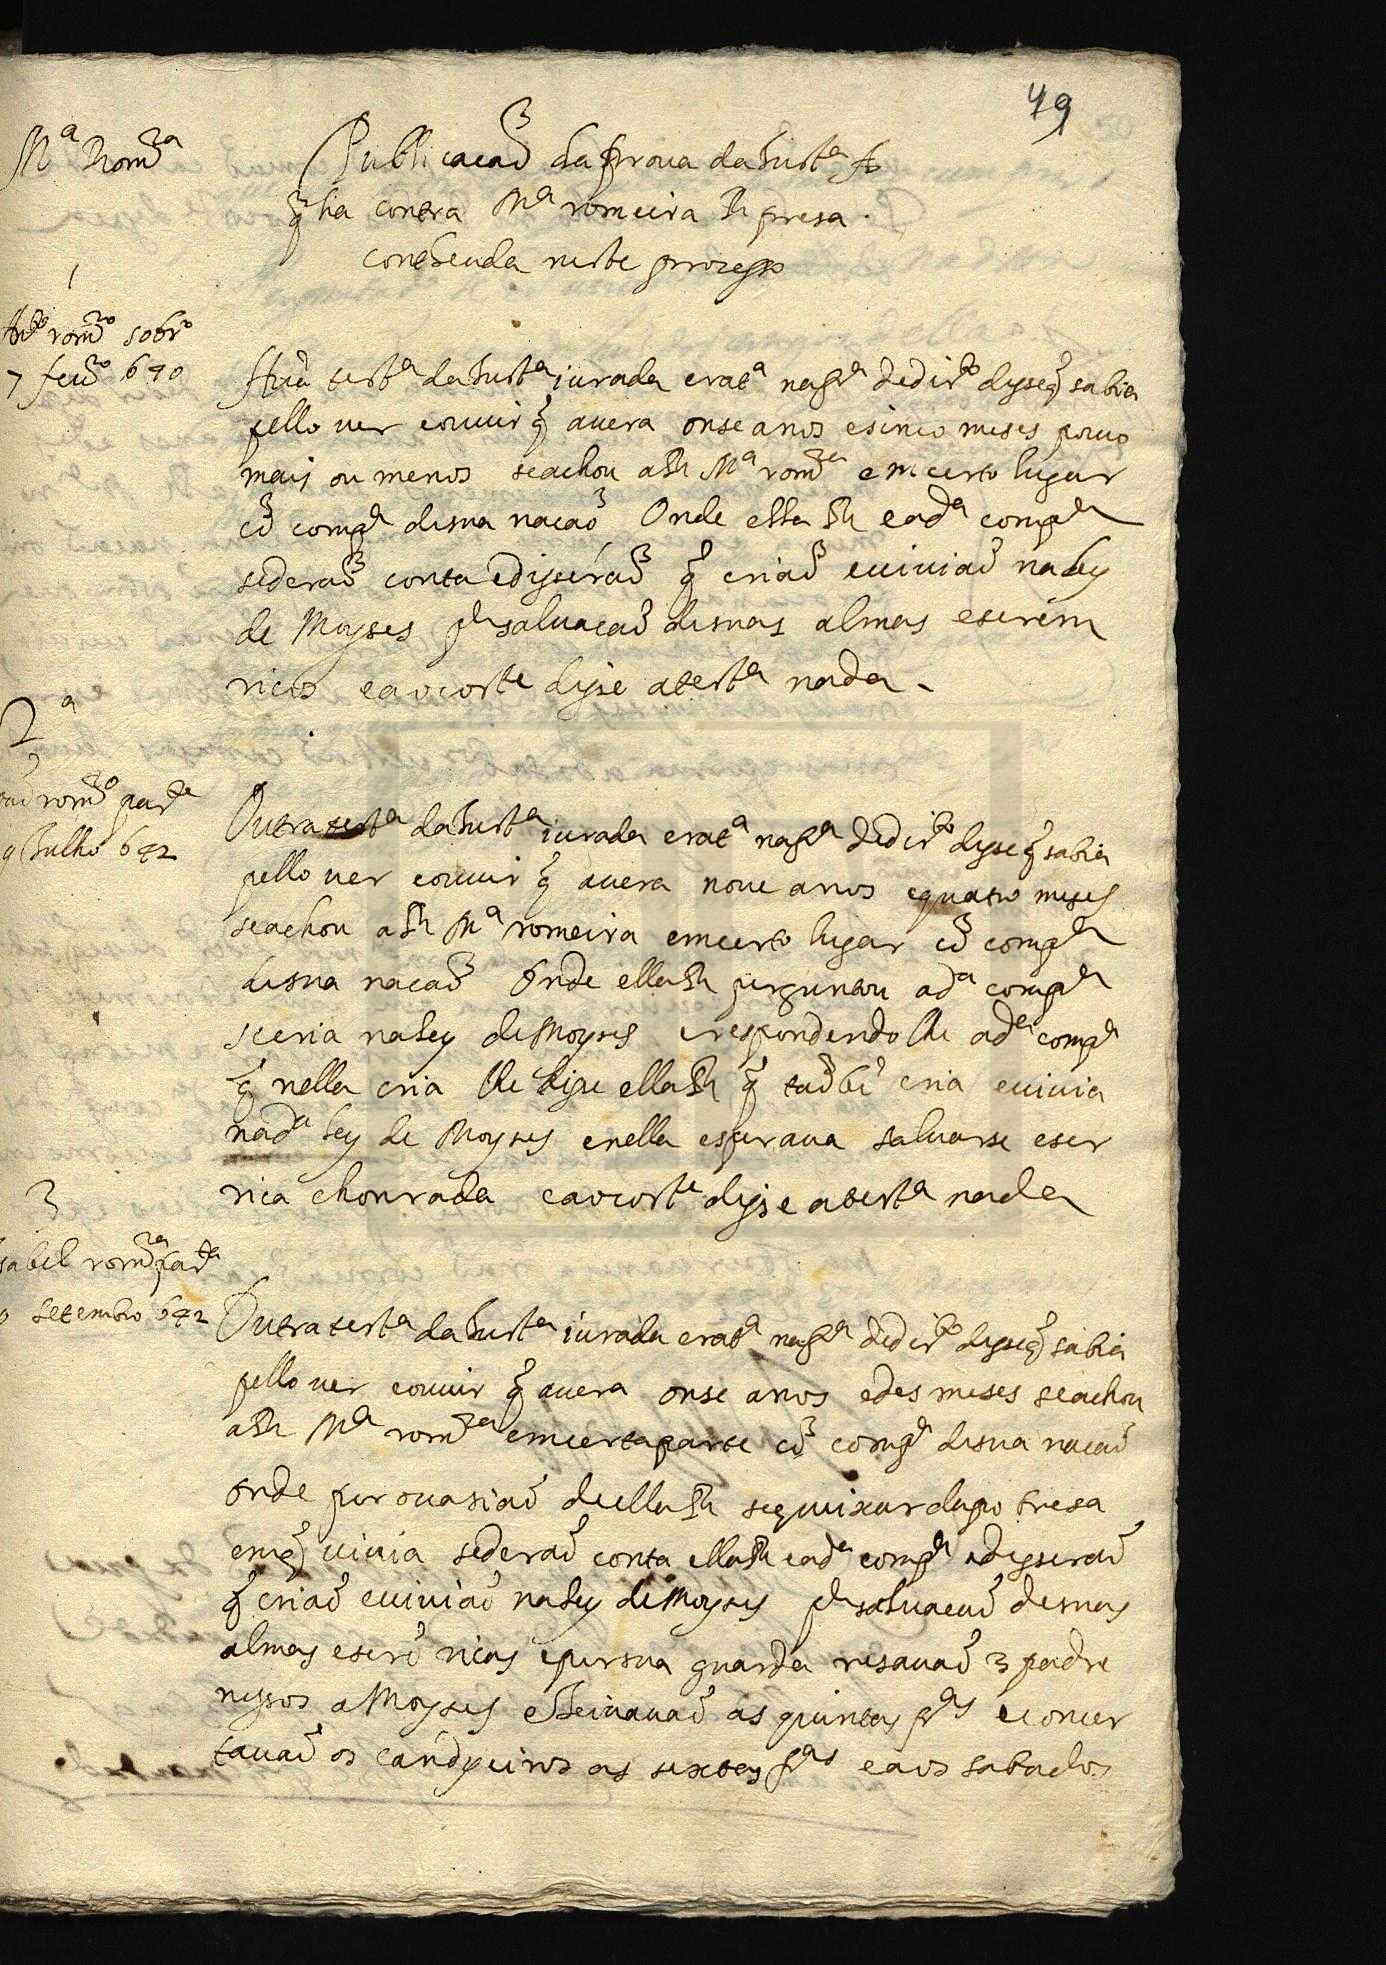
Ma Romra
Publicacaõ da proua da Iusta A
q̄ ha contra Ma romeira Re presa
contheuda neste processo
Anto romro sobro
7 feuro 640
49
Huā testa da Iusta iurada e rata na fra de dirto disse q̄ sabia
pello uer e ouuir q̄ auera onse anos e sinco meses pouco
mais ou menos se achou a Re Ma romra em certo lugar
cō compa de sua naçaõ, Onde ella Re e a da compa
se deraõ conta e disseraõ q̄ criaõ e uiuiaõ na Ley
de Moyses pa saluaçaõ de suas almas e serem
ricos e ao coste disse a testa nada.
2a
aõ rom.ro par.te
9 Iulho 642
Outra testa da Iusta iurado era ta na fra de dirto disse q̄ sabia
pello uer e ouuir q̄ auera noue anos e quatro meses
se achou a Re Ma romeira em certo lugar cō compa
de sua naçaõ Onde ella Re perguntou a da compa
se cria na ley de Moyses, e respondendolhe a da compa
q̄ nella cria lhe disse ella Re q̄ taõbē cria e uiuia
na da ley de Moyses e nella esperaua saluarse e ser
rica e honrada e ao coste disse a testa nada
3a
Isabel romra parte
setembro 642
Outra testa da Iusta iurada era ta na fra de dirto disse q̄ sabia
pello uer e ouuir q̄ auera onse anos e des meses se achou
a Re Ma romra em certa parte cō compa de sua naçaõ
onde por occasiaõ de ella Re se queixar da pobresa
em q̄ uiuia se deraõ conta ella Re e a da compa a disseraõ
q̄ criaõ e uiuiaõ na ley de Moyses pa saluaçaõ de suas
almas e serē ricas e por sua guarda resauaõ 3 padre
nossos a Moyses e Ieiuauaõ as quintas fas e concer
tauaõ os candyeiros as sextas fras e aos sabados
